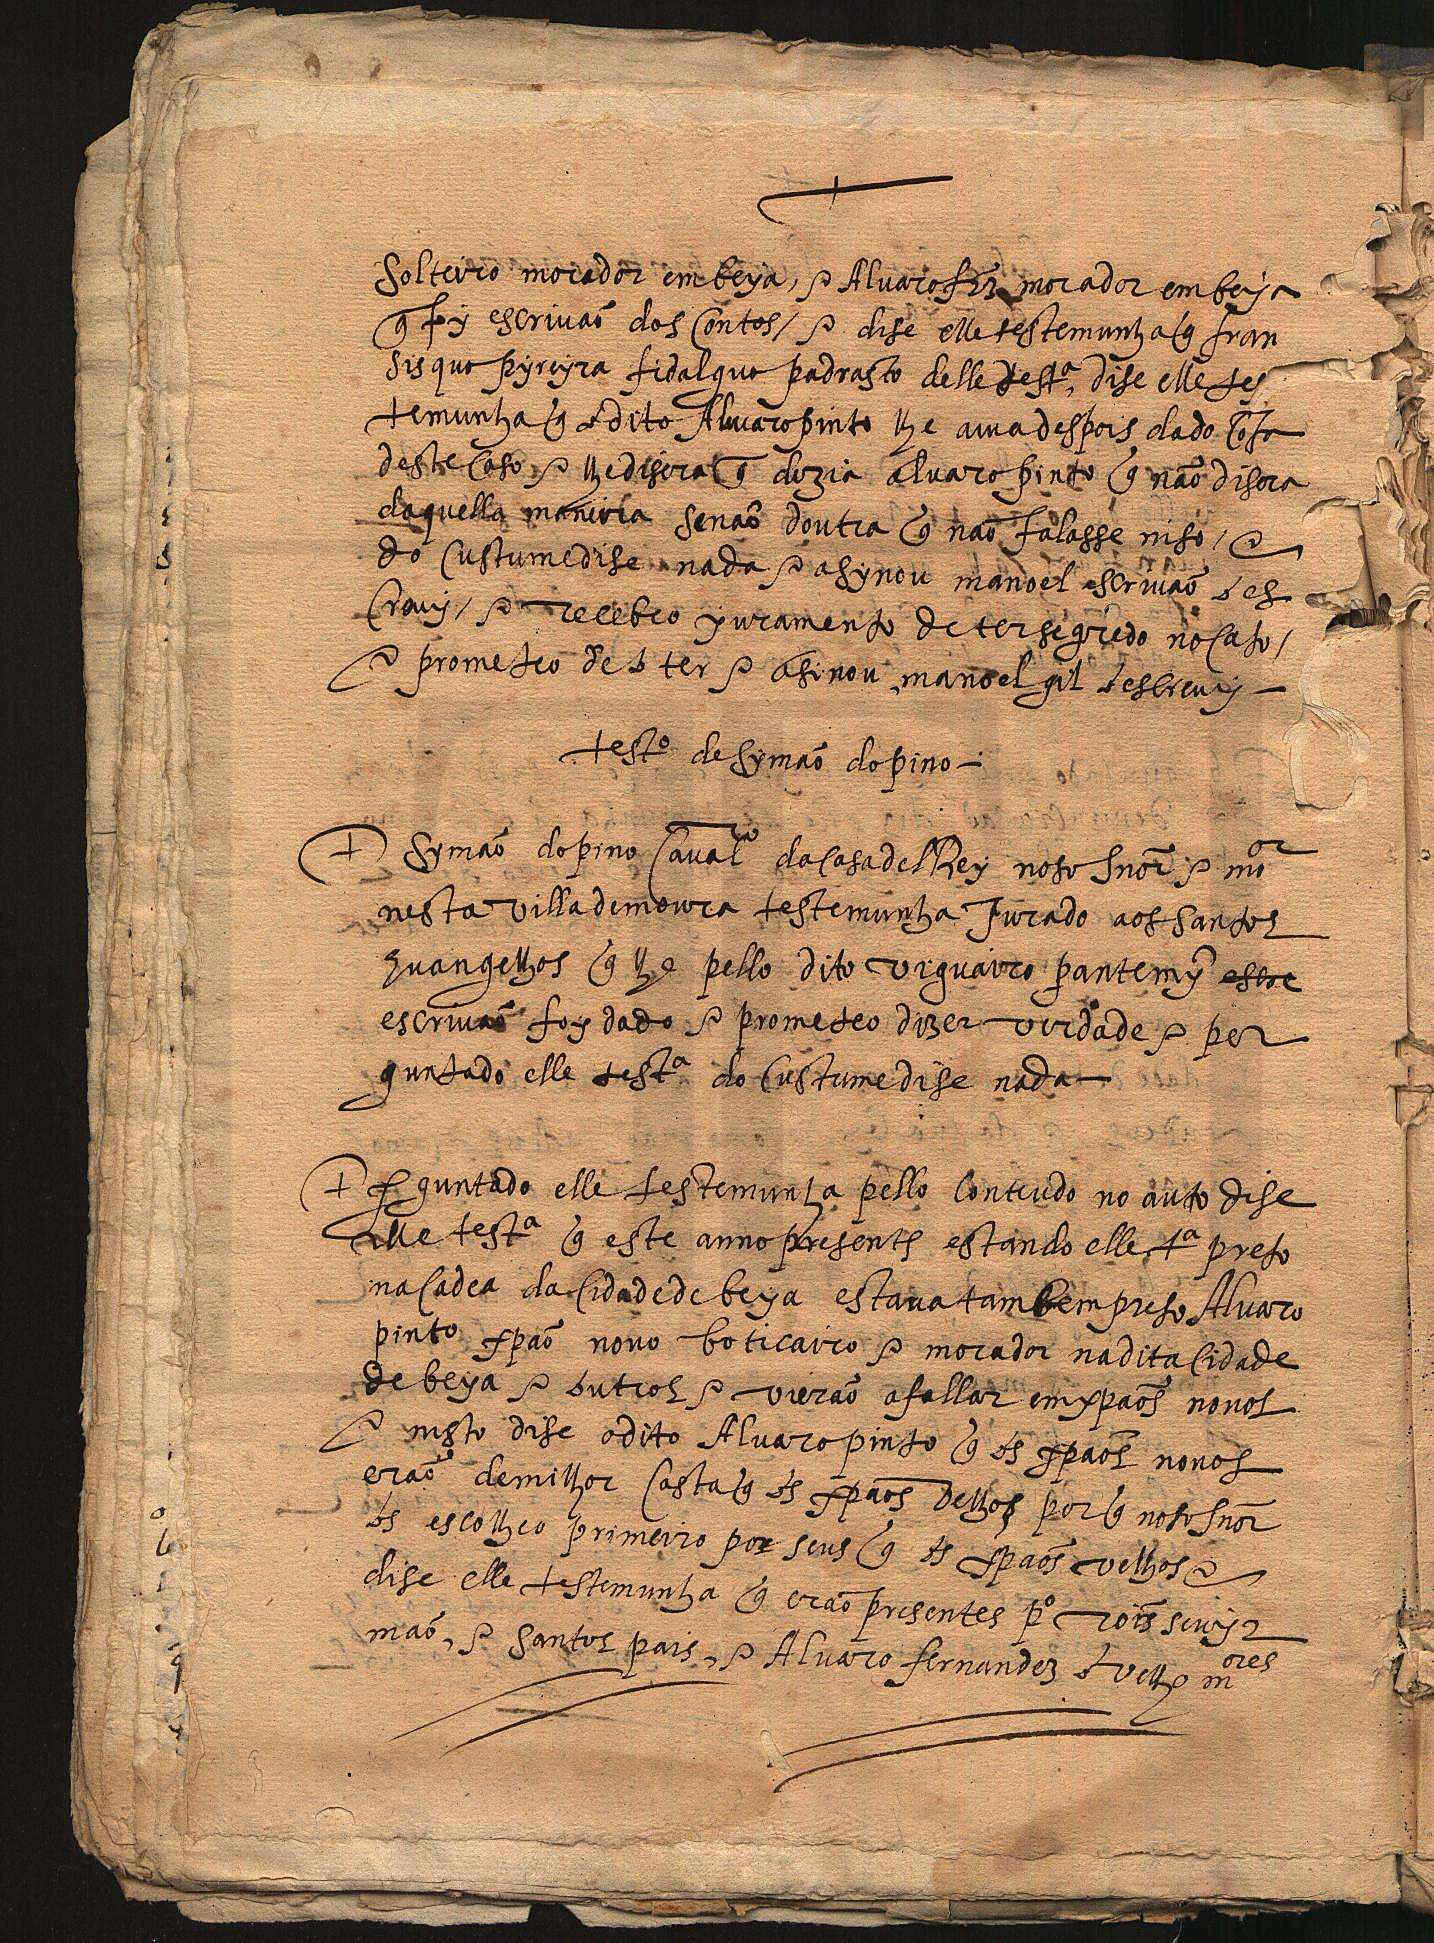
Solteiro morador em beya, e Aluaro frz̄ morador em beya
q̄ foy escriuaõ dos Contos / e dise elle testemunha q̄ fran
sisquo pyreyra fidalguo padrasto delle testa, dise elle tes
temunha q̄ o dito Aluaro pinto lhe auia despois dado Cōta
deste caso e lhe disera q̄ dizia aluaro pinto q̄ não disera
daquella maneira senaõ doutra q̅ naõ falasse niso / e
do Custume dise nada e asynou manoel escriuaõ o es
Creuy / e recebeo yuramento de ter segredo no Caso /
e prometeo de o ter e asinou, manoel gil o escreuy –
testo de Symaõ do pino –
item Symaõ do pino Caualro da casa del Rey noso Snor̄ e mor
nesta villa de moura testemunha Jurado aos Santos
Euangelhos q̄ lhe pello dito viguairo ꝑante mȳ escre
escriuaõ foy dado e prometeo dizer verdade e per
guntado elle testa do Custume dise nada –
item ꝑguntado elle testemunha pello conteudo no auto dise
elle testa q̄ este anno presentꝭ estando elle ta preso
na Cadea da Cidade de beya estaua tambem preso Aluaro
pinto xpaõ nouo boticairo e morador na dita cidade
de beya e outros e vieraõ a fallar em xpaõs nouos
e nisto dise o dito Aluaro pinto q̄ os xpaõs nouos
eraõ de milhor Casta q̄ os xpaõs velhos porq̄ noso snōr
os escolheo primeiro por seus q̄ os xpaõs velhos e
dise elle testemunha q̄ eraõ presentes po rois̄ seu yr
maõ, e Santos pais, e Aluaro fernandez o velho mores
